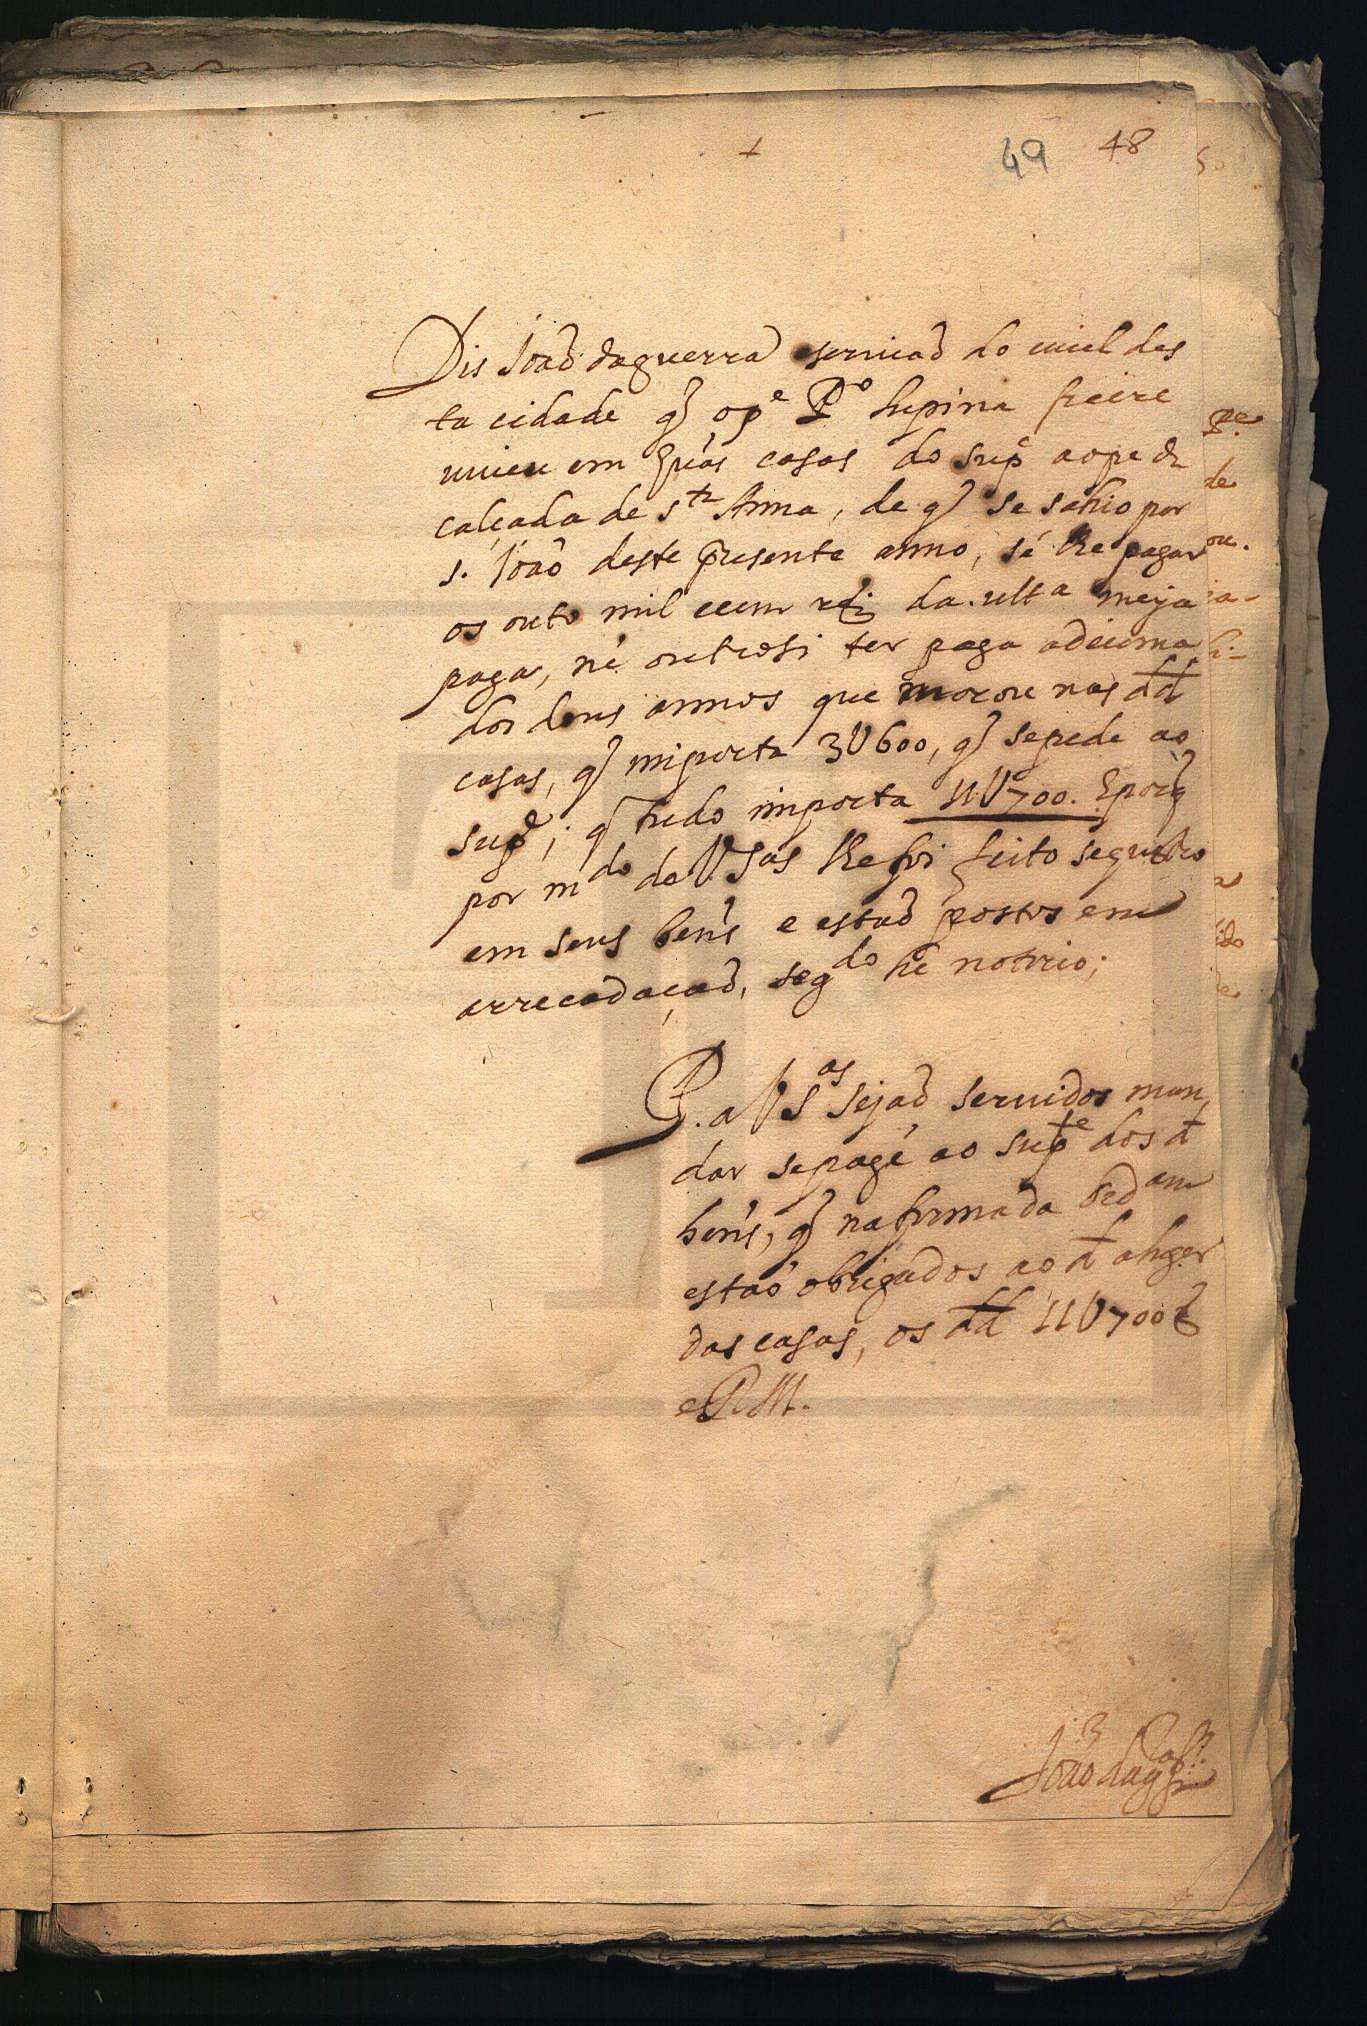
48
Dis Ioaõ da guerra escriuaõ do ciuel des
ta cidade q̄ o pe Po lupina freire
uiueu em huās casas do supe ao pe da
calçada de sta Anna, de q̄ se sahio por
S. Ioão deste presente anno, só lhe pagar
os outo mil e um rez̄ da ulta meya
paga, nē outrosi ter paga a decima
dos dous annos que morou nas d̄d̄
casas, q̄ importa 3$600, q̄ se pede ao
supe; q̄ tudo importa 11$700. E porq̄
por mdo de V S.as lhe foi feito sequestro
em seus bens e estaõ postos em
arrecadaçaõ, segdo he notorio;
P. a V S.as sejaõ seruidos man
dar se pagē ao supte dos d̄
bens, q̄ na forma da ordam
estaõ obrigados ao d̄ aluger
das casas, os d̄d̄ 11$700 rs̄
e R. M.
João da gra ___
